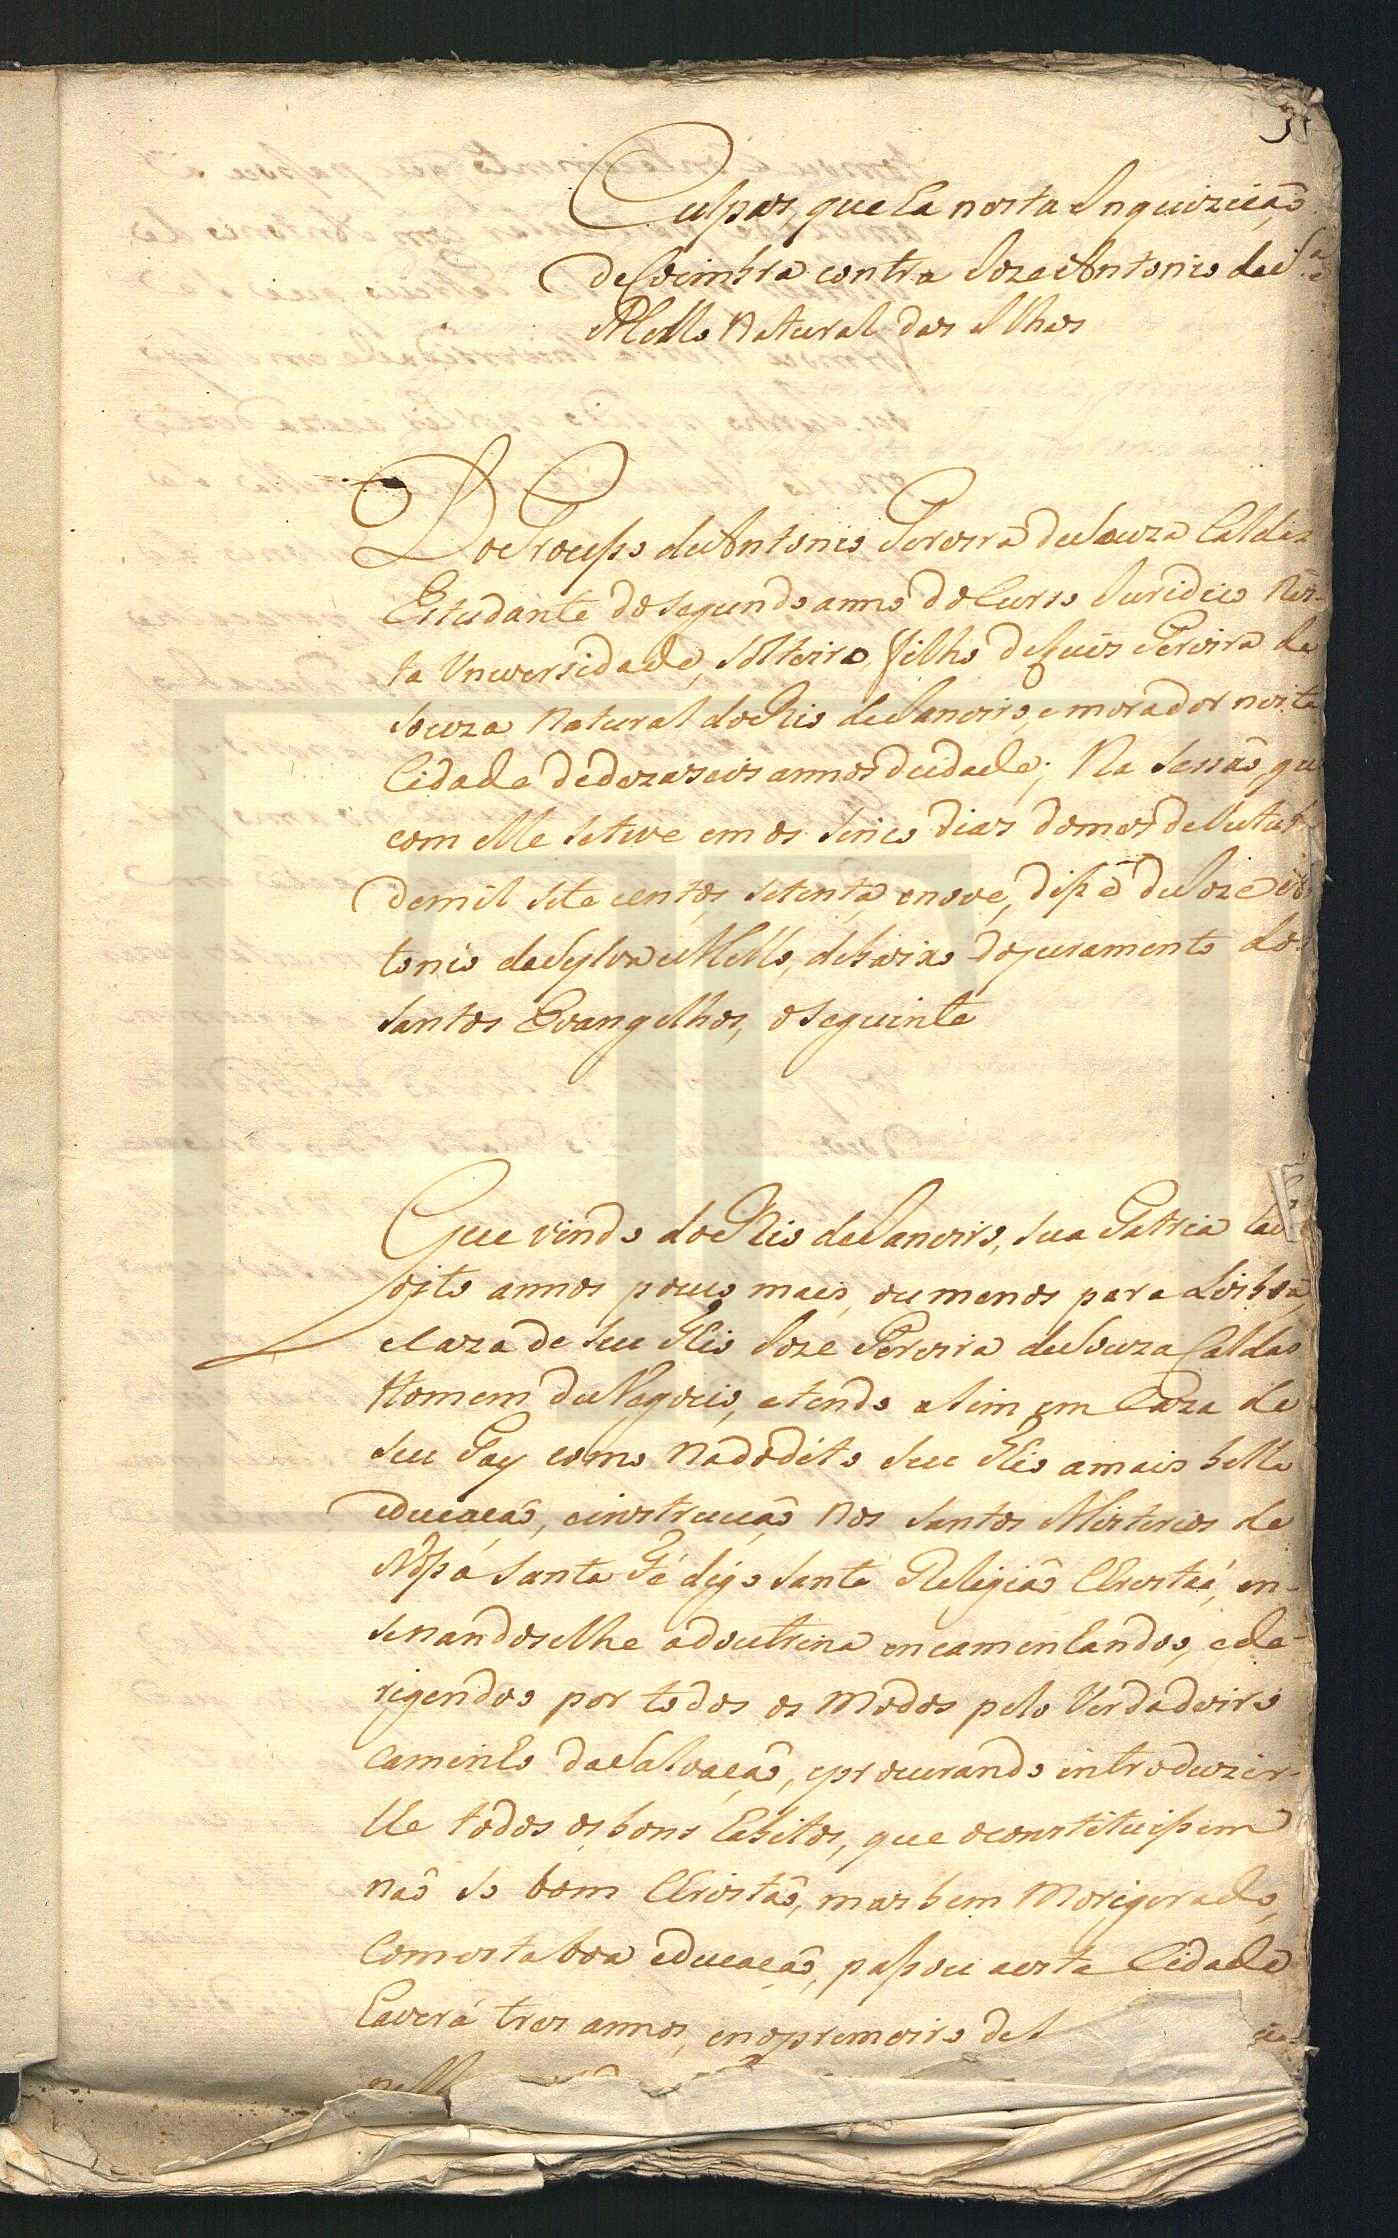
Culpas, que ha nesta Inquiziçaõ
de Coimbra contra Ioze Antonio da S.a e
Mello natural das Ilhas
Do Processo de Antonio Pereira de Souza Caldas
Estudante do segundo anno do Curso Iuridico Nes
ta Uneversidade, solteiro filho de Luis Pereira de
Souza Natural do Rio de Ianeiro, e morador nesta
Cidade de dezaseis annos de idade; Na sessaõ qu
com elle se teve em os sinco dias do mes de Outubro
de mil setecentos setenta e nove, disse de Ioze A
tonio da Sylva e Mello, debaixo do juramento dos
santos Evangelhos, o seguinte
Que vindo do Rio de Ianeiro, sua Patria hau
oito annos pouco mais, ou menos para Lisboa
e Caza de seu Tio Ioze Pereira de Souza Caldas
Homem de Negocio, e tendo aSim em Caza de
seu Pay como na do dito seu Tio a mais bella
educaçaõ, e instrucção nos santos Misterios da
Nossa Santa Fé digo Santa Religiaõ Christaã, en
senandoselhe a doutrina encamenhandoo, e de
rigendoo por todos os modos pelo Verdadeiro
caminho da Salvaçaõ, e procurando introduzir
lhe todos os bons habitos, que o constituissem
naõ so bom Christaõ, mas bem morigerado,
Com esta boa educaçaõ, passou a esta Cidade
haverá tres annos, e no primeiro del
